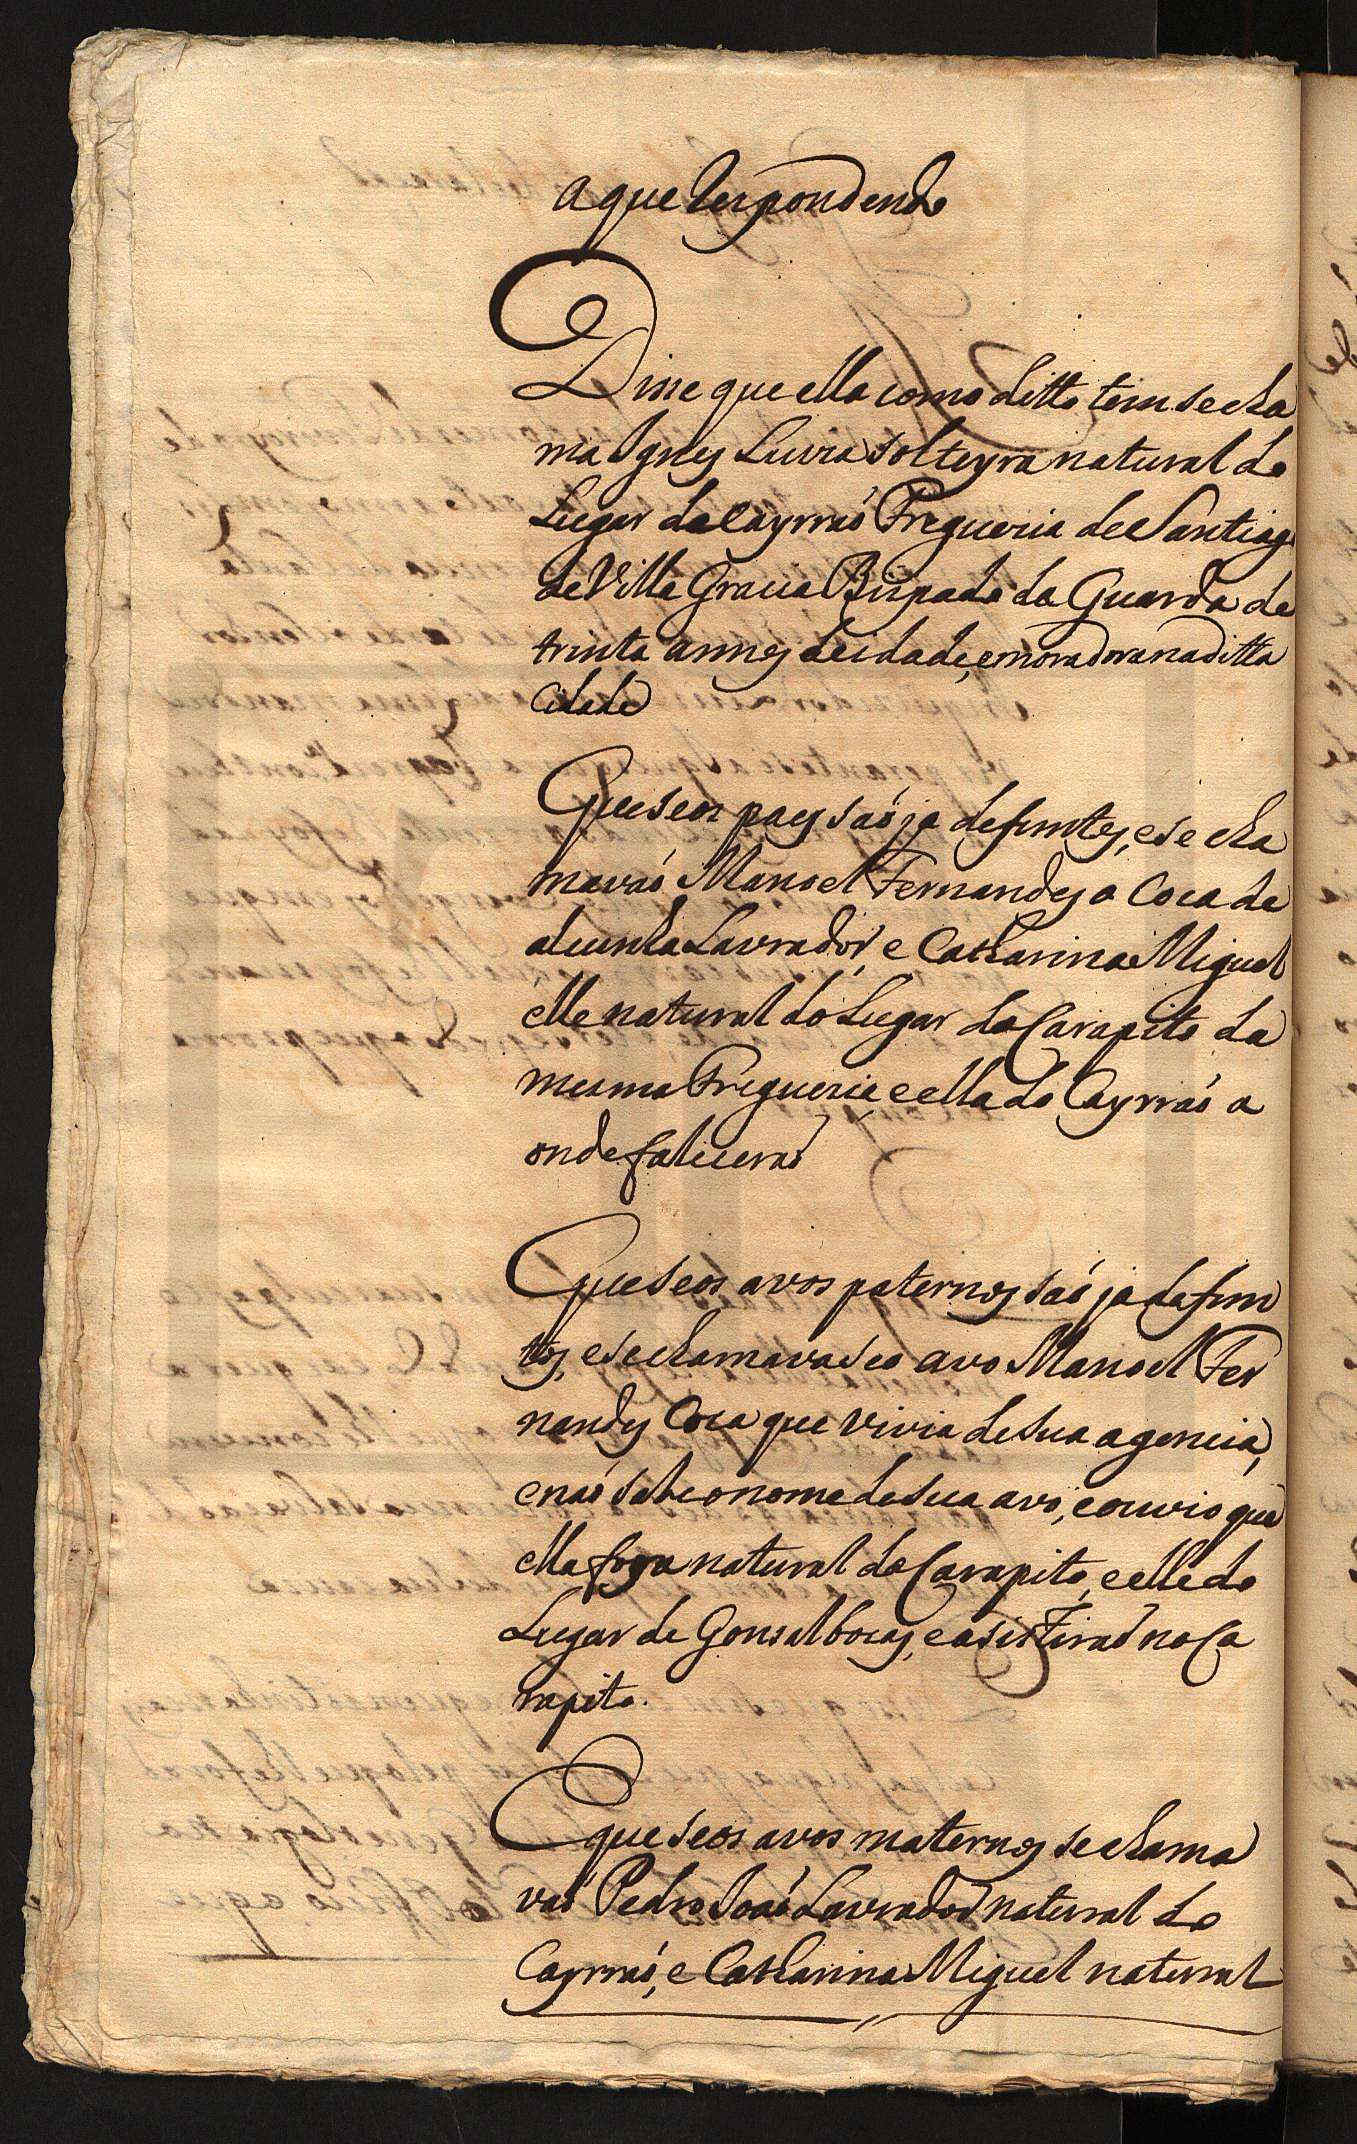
a que Respondendo
Disse que ella como ditto tem se cha
ma Ignes Luiza solteyra natural do
Lugar de cayrraõ Freguezia de Santiago
de Villa Gracia Bispado da Guarda de
trinta annos de idade, e moradora na ditta
Cidade
Que seos pays saõ ja defuntos, e se cha
mavaõ Manoel Fernandes o Coca de
alcunha Lavrador, e Catharina Miguel
elle natural do Lugar do Carapito da
mesma Freguezia, e ella do Cayrraõ a
onde faleceraõ
Que seos avos paternos saõ ja dafun
tos, e se chamava seo avo Manoel Fer
nandes Coca que vivia de sua agencia,
e naõ sabe o nome de sua avo, e ouvio que
ella fora natural do Carapito, e elle do
Lugar de Gonsalbozas, e asistiraõ no Ca
rapito.
E que seos avos maternos se chama
vaõ Pedro Ioaõ Lavrador natural do
Cayrraõ, e Catharina Miguel natural
